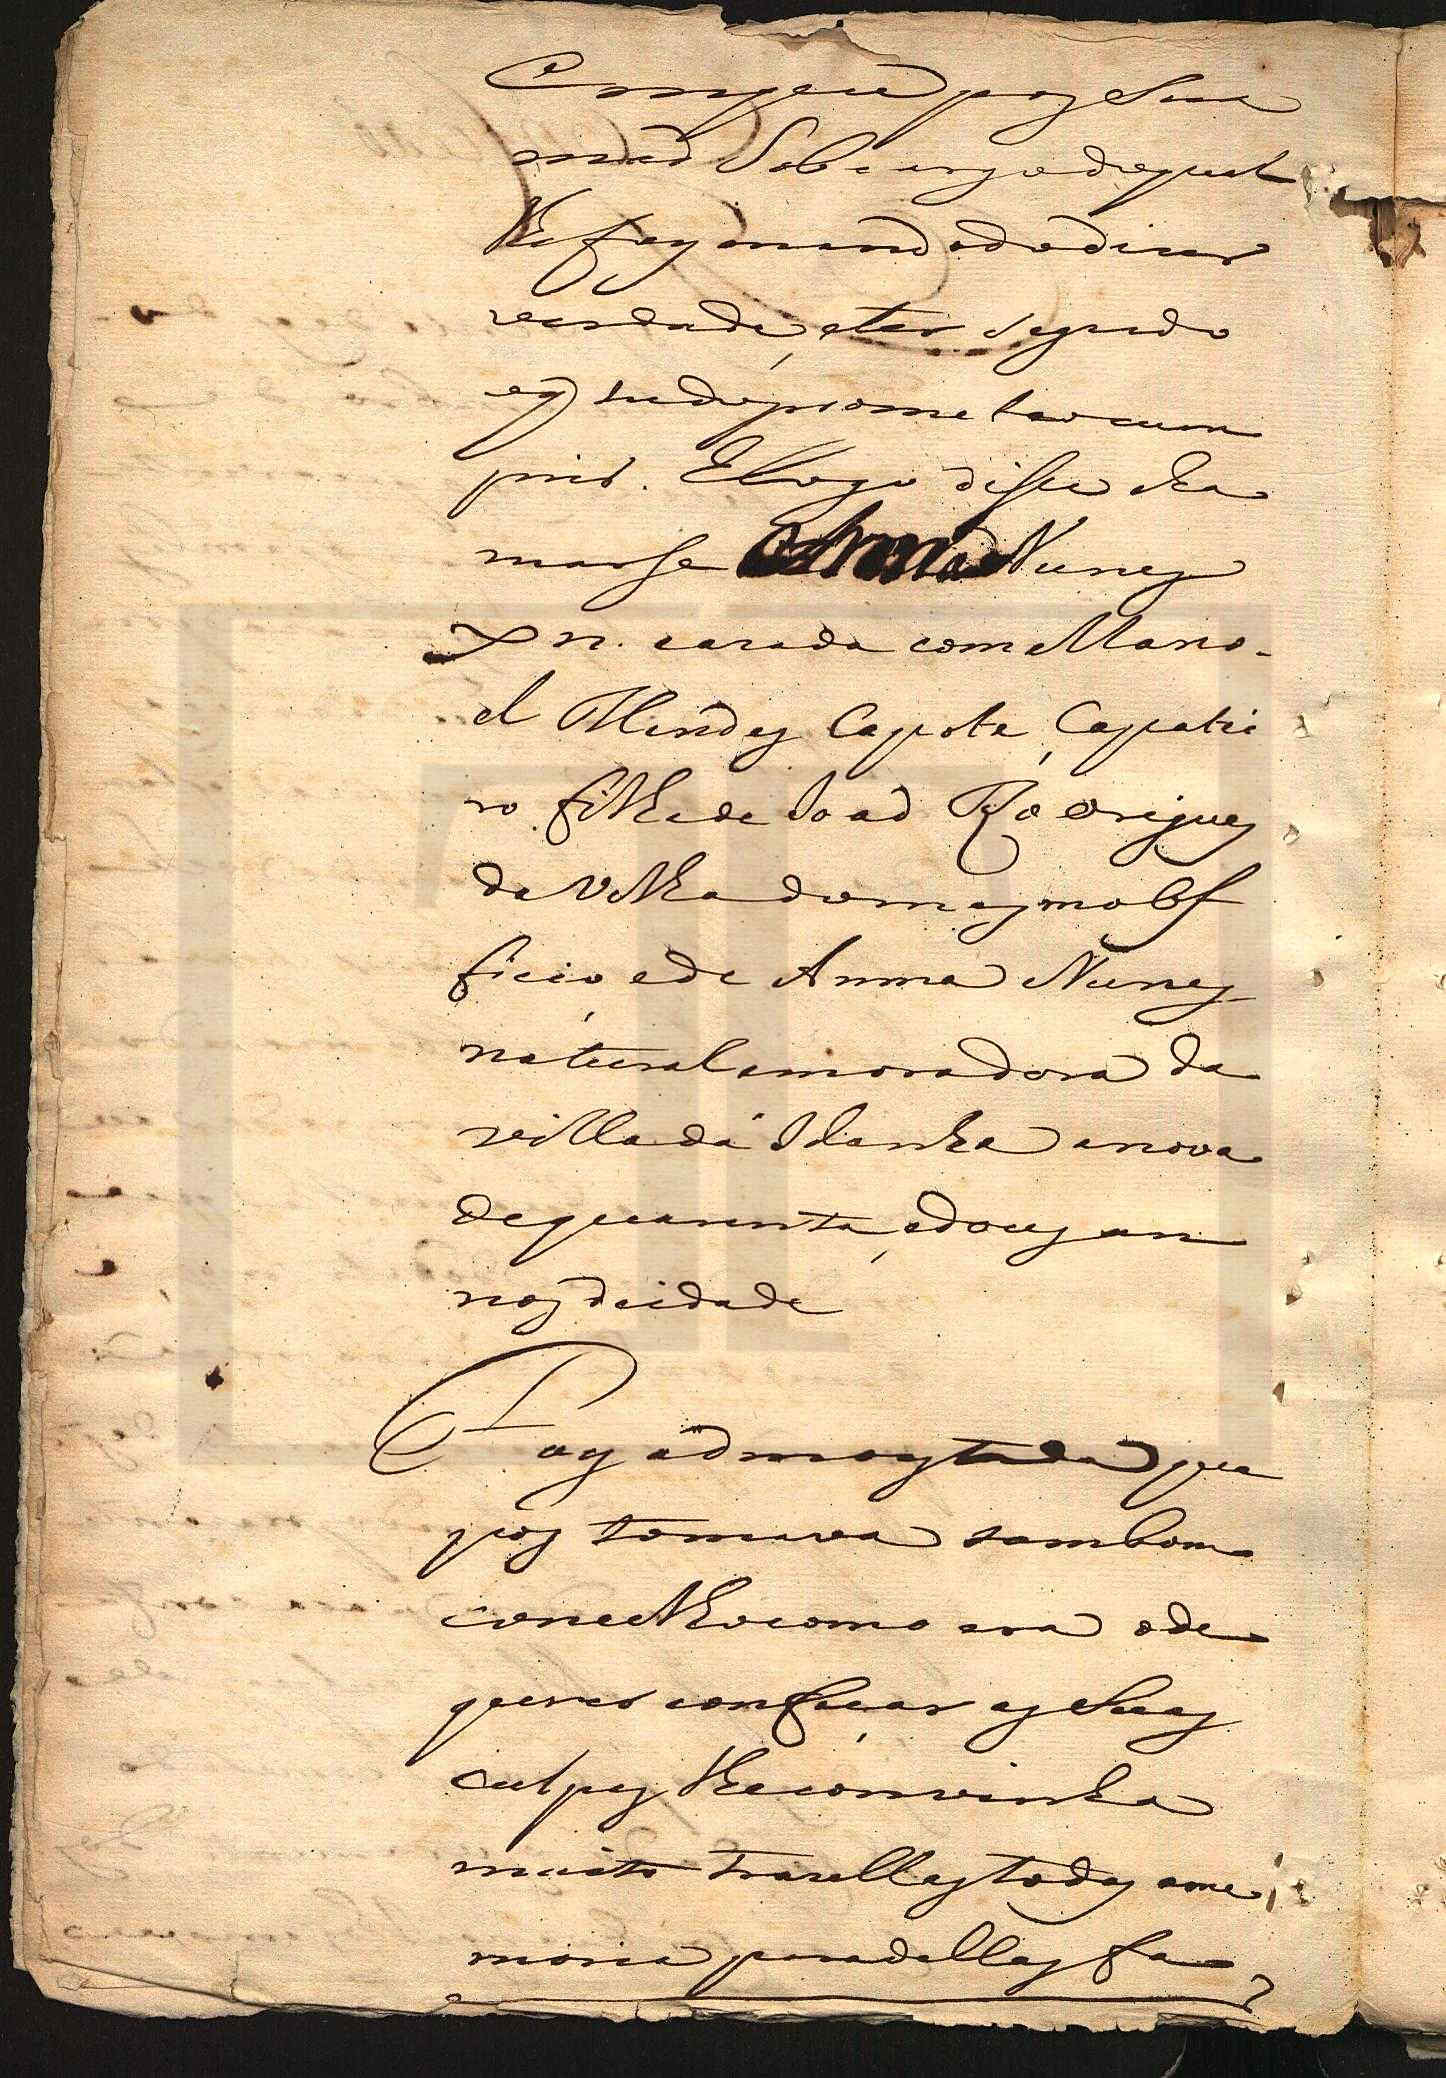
Em que pos Sua
maõ Sob cargo do qual
lhe foy mandado dizer
verdade e ter segredo
o q̄ tudo prometeo cum
prir E logo disse cha
marse Anna Nunes
x n. cazada com Mano
el Mendes Capote Çapatei
ro. filha de Ioaõ Rodrigues
da Velha do mesmo Of
ficio e de Anna Nunes
natural e moradora da
villa da Idanha a nova
de quarenta, e dous an
nos de idade
Foy admoestada que
pos tomava tam bom
concelho como era o de
querer confeçar as Suas
culpas lhe convinha
muito trazellas todas a me
moria para dellas fa
